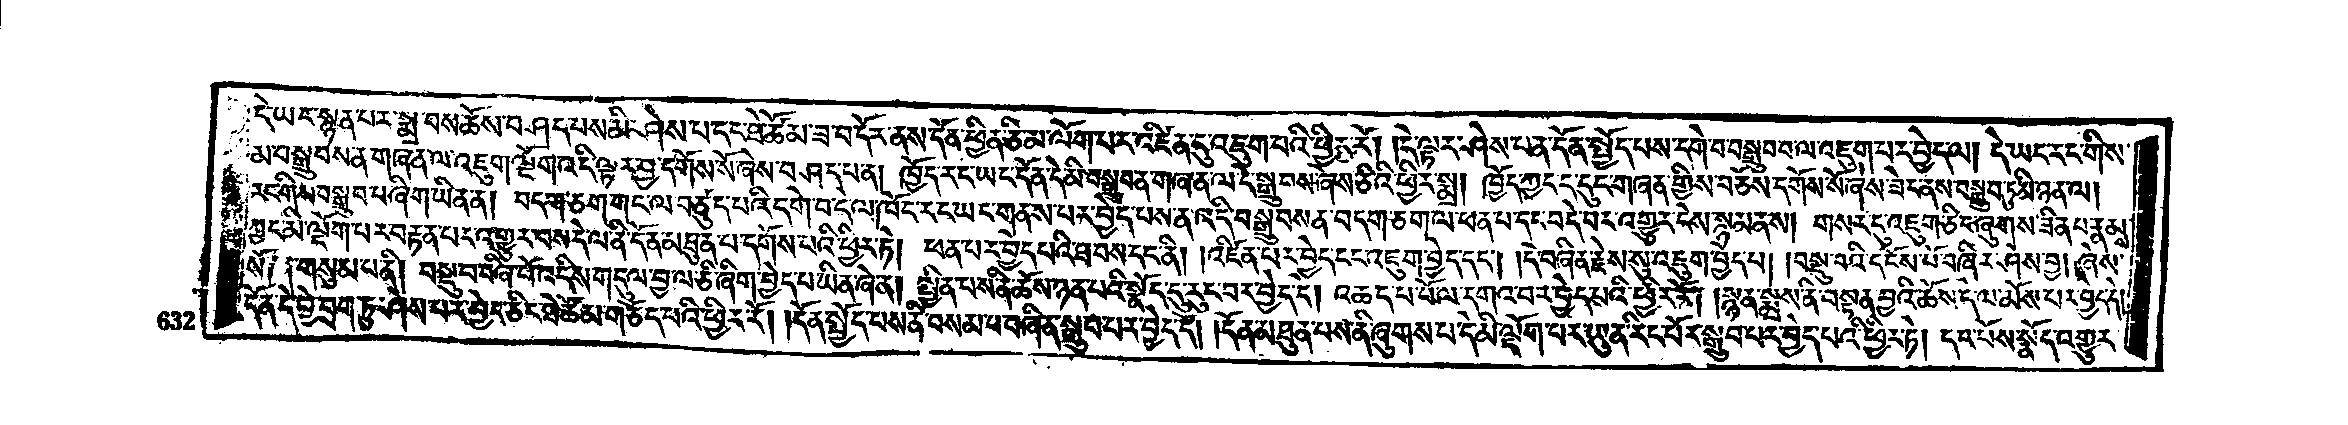དེ་ཡང་སྙན་པར་སྨྲ་བས་ཆོས་བཤད་པས་མི་ཤེས་པ་དང་ཐེ་ཚོམ་ཟ་བ་དོར་ནས་དོན་ཕྱིན་ཅི་མ་ལོག་པར་འཛིན་དུ་འཇུག་པའི་ཕྱིར་རོ། །དེ་ལྟར་ཤེས་པ་ན་དོན་སྤྱོད་པས་དགེ་བ་བསྒྲུབ་པ་ལ་འཇུག་པར་བྱེད་ལ། དེ་ཡང་རང་གིས་
མ་བསྒྲུབས་ན་གཞན་ལ་འཇུག་ལྡོག་འདི་ལྟར་བྱ་དགོས་སོ་ཞེས་བཤད་པ་ན། ཁྱོད་རང་ཡང་དོན་དེ་མི་བསྒྲུབ་ན་གཞན་ལ་དེ་སྒྲུབས་ཞེས་ཅིའི་ཕྱིར་སྨྲ། ཁྱོད་ཀྱང་ད་དུང་གཞན་གྱིས་བཅོས་དགོས་སོ་ཞེས་ཟེར་ནས་བསྒྲུབ་ཏུ་མི་ཉན་ལ།
རང་གིས་བསྒྲུབ་པ་ཞིག་ཡིན་ན། བདག་ཅག་གང་ལ་བཙུད་པའི་དགེ་བ་དེ་ལ་ཁོང་རང་ཡང་གནས་པར་བྱེད་པས་ན་འདི་བསྒྲུབས་ན་བདག་ཅག་ལ་ཕན་པ་དང་བདེ་བར་འགྱུར་ངེས་སྙམ་ནས། གསར་དུ་འཇུག་ཅིང་ཞུགས་ཟིན་པ་རྣམས་
ཀྱང་མི་ལྡོག་པར་བརྟན་པར་འགྱུར་བས་དེ་ལ་ནི་དོན་མཐུན་པ་དགོས་པའི་ཕྱིར་ཏེ། ཕན་པར་བྱེད་པའི་ཐབས་དང་ནི། །འཛིན་པར་བྱེད་དང་འཇུག་བྱེད་དང་། །དེ་བཞིན་རྗེས་སུ་འཇུག་བྱེད་པ། །བསྡུ་བའི་དངོས་པོ་བཞིར་ཤེས་བྱ། །ཞེས་
སོ༑ ༑གསུམ་པ་ནི། བསྡུ་བ་བཞི་པོ་འདིས་གདུལ་བྱ་ལ་ཅི་ཞིག་བྱེད་པ་ཡིན་ཞེ་ན། སྦྱིན་པས་ནི་ཆོས་ཉན་པའི་སྣོད་དུ་རུང་བར་བྱེད་དེ། འཆད་པ་པོ་ལ་དགའ་བར་བྱེད་པའི་ཕྱིར་རོ། །སྙན་སྨྲས་ནི་བསྟན་བྱའི་ཆོས་དེ་ལ་མོས་པར་བྱེད་དེ།
དོན་དེ་བྱེ་བྲག་ཏུ་ཤེས་པར་བྱེད་ཅིང་ཐེ་ཚོམ་གཅོད་པའི་ཕྱིར་རོ། །དོན་སྤྱོད་པས་ནི་བསྟན་པ་བཞིན་སྒྲུབ་པར་བྱེད་དོ། །དོན་མཐུན་པས་ནི་ཞུགས་པ་དེ་མི་ལྡོག་པར་ཡུན་རིང་པོར་སྒྲུབ་པར་བྱེད་པའི་ཕྱིར་ཏེ། དང་པོས་སྣོད་འགྱུར་